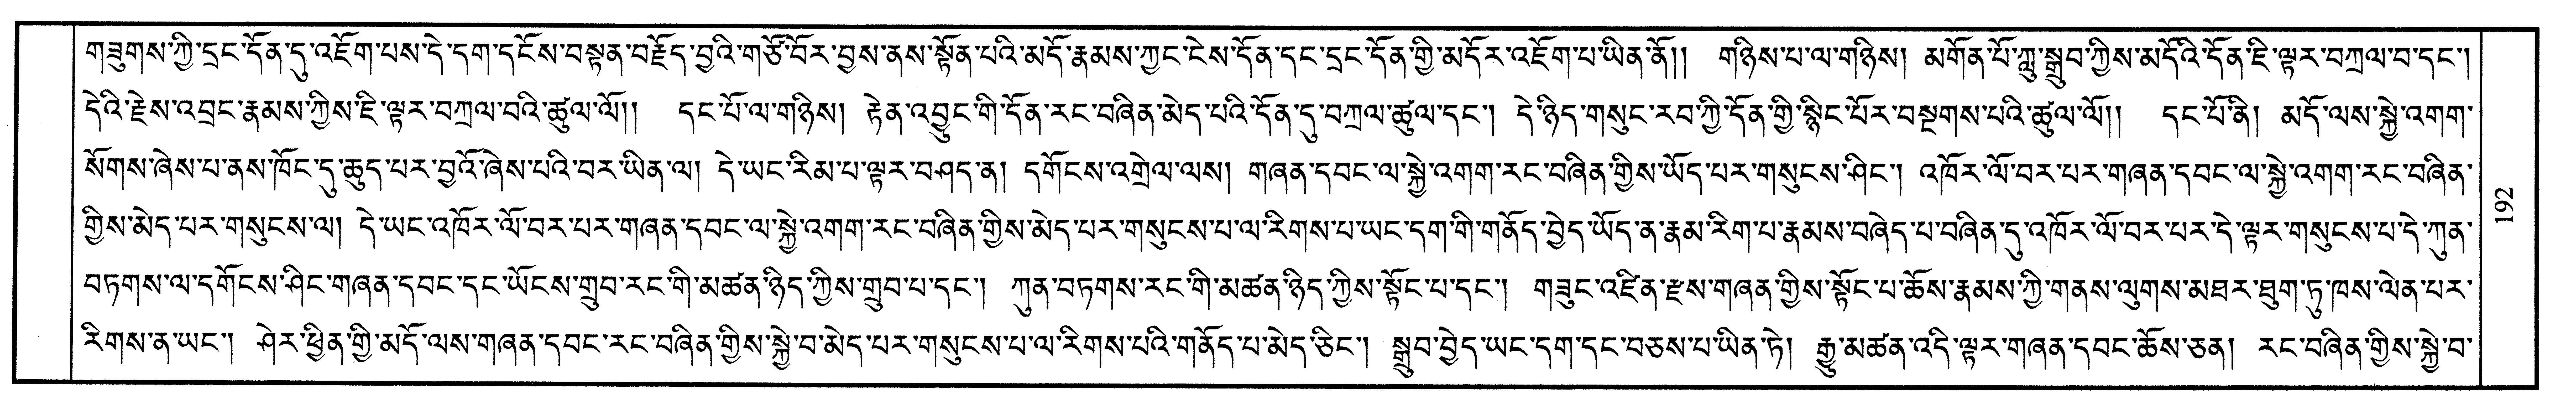གཟུགས་ཀྱི་དྲང་དོན་དུ་འཇོག་པས་དེ་དག་དངོས་བསྟན་བརྗོད་བྱའི་གཙོ་བོར་བྱས་ནས་སྟོན་པའི་མདོ་རྣམས་ཀྱང་ངེས་དོན་དང་དྲང་དོན་གྱི་མདོར་འཇོག་པ་ཡིན་ནོ།། གཉིས་པ་ལ་གཉིས། མགོན་པོ་ཀླུ་སྒྲུབ་ཀྱིས་མདོའི་དོན་ཇི་ལྟར་བཀྲལ་བ་དང་།
དེའི་རྗེས་འབྲང་རྣམས་ཀྱིས་ཇི་ལྟར་བཀྲལ་བའི་ཚུལ་ལོ།། དང་པོ་ལ་གཉིས། རྟེན་འབྱུང་གི་དོན་རང་བཞིན་མེད་པའི་དོན་དུ་བཀྲལ་ཚུལ་དང་། དེ་ཉིད་གསུང་རབ་ཀྱི་དོན་གྱི་སྙིང་པོར་བསྔགས་པའི་ཚུལ་ལོ།། དང་པོ་ནི། མདོ་ལས་སྐྱེ་འགག་
སོགས་ཞེས་པ་ནས་ཁོང་དུ་ཆུད་པར་བྱའོ་ཞེས་པའི་བར་ཡིན་ལ། དེ་ཡང་རིམ་པ་ལྟར་བཤད་ན། དགོངས་འགྲེལ་ལས། གཞན་དབང་ལ་སྐྱེ་འགག་རང་བཞིན་གྱིས་ཡོད་པར་གསུངས་ཤིང་། འཁོར་ལོ་བར་པར་གཞན་དབང་ལ་སྐྱེ་འགག་རང་བཞིན་
གྱིས་མེད་པར་གསུངས་ལ། དེ་ཡང་འཁོར་ལོ་བར་པར་གཞན་དབང་ལ་སྐྱེ་འགག་རང་བཞིན་གྱིས་མེད་པར་གསུངས་པ་ལ་རིགས་པ་ཡང་དག་གི་གནོད་བྱེད་ཡོད་ན་རྣམ་རིག་པ་རྣམས་བཞེད་པ་བཞིན་དུ་འཁོར་ལོ་བར་པར་དེ་ལྟར་གསུངས་པ་དེ་ཀུན་
བཏགས་ལ་དགོངས་ཤིང་གཞན་དབང་དང་ཡོངས་གྲུབ་རང་གི་མཚན་ཉིད་ཀྱིས་གྲུབ་པ་དང་། ཀུན་བཏགས་རང་གི་མཚན་ཉིད་ཀྱིས་སྟོང་པ་དང་། གཟུང་འཛིན་རྫས་གཞན་གྱིས་སྟོང་པ་ཆོས་རྣམས་ཀྱི་གནས་ལུགས་མཐར་ཐུག་ཏུ་ཁས་ལེན་པར་
རིགས་ན་ཡང་། ཤེར་ཕྱིན་གྱི་མདོ་ལས་གཞན་དབང་རང་བཞིན་གྱིས་སྐྱེ་བ་མེད་པར་གསུངས་པ་ལ་རིགས་པའི་གནོད་པ་མེད་ཅིང་། སྒྲུབ་བྱེད་ཡང་དག་དང་བཅས་པ་ཡིན་ཏེ། རྒྱུ་མཚན་འདི་ལྟར་གཞན་དབང་ཆོས་ཅན། རང་བཞིན་གྱིས་སྐྱེ་བ་